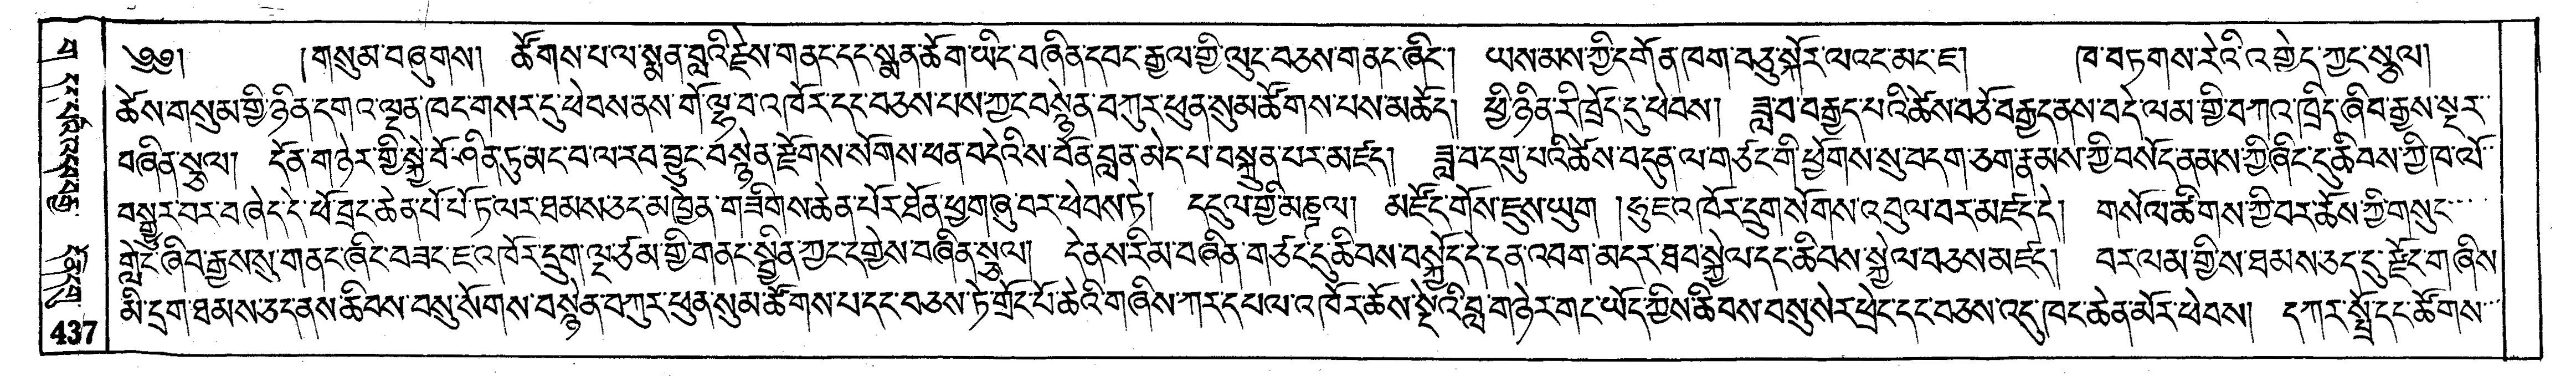༄༅། །གསུམ་བཞུགས། ཚོགས་པ་ལ་སྨན་བླའི་རྗེས་གནང་དང་སྨན་ཆོག་ཡིད་བཞིན་དབང་རྒྱལ་གྱི་ལུང་བཅས་གནང་ཞིང་། ཡས་མས་ཀྱི་དགོན་ཁག་བཅུ་སྐོར་ལའང་མང་ཇ། ཁ་བཏགས་རེའི་འགྱེད་ཀྱང་སྩལ།
ཚེས་གསུམ་གྱི་ཉིན་དགའ་ལྡན་ཁང་གསར་དུ་ཕེབས་ནས་ཕོ་ལྷ་བ་འཁོར་དང་བཅས་པས་ཀྱང་བསྙེན་བཀུར་ཕུན་སུམ་ཚོགས་བས་མཆོད། ཕྱི་ཉིན་རི་ཁྲོད་དུ་ཕེབས། ཟླ་བ་བརྒྱད་པའི་ཚེས་བཅོ་བརྒྱད་ནས་བདེ་ལམ་གྱི་བཀའ་ཁྲིད་ཞིབ་རྒྱས་སྔར་
བཞིན་སྩལ། དོན་གཉེར་གྱི་སྐྱེ་བོ་ཤིན་ཏུ་མང་བ་ལ་རབ་བྱུང་བསྙེན་རྫོགས་སོགས་ཕན་བདེའི་ས་བོན་བླ་ན་མེད་པ་བསྐྲུན་པར་མཛད། ཟླ་བ་དགུ་པའི་ཚེས་བདུན་ལ་གཙང་གི་ཕྱོགས་སུ་བདག་ཅག་རྣམས་ཀྱི་བསོད་ནམས་ཀྱི་ཞིང་དུ་ཆིབས་ཀྱི་ཁ་ལོ་
བསྒྱུར་བར་བཞེད་དེ་ཕོ་བྲང་ཆེན་པོ་པོ་ཏ་ལར་ཐམས་ཅད་མཁྱེན་གཟིགས་ཆེན་པོར་ཐོན་ཕྱག་ཞུ་བར་ཕེབས་ཏེ། དངུལ་གྱི་མཎྜལ། མཛོད་གོས་ཇུས་ཡུག །ཧུ་ཇ་འཁོར་དྲུག་སོགས་འབུལ་བར་མཛད་དེ། གསོལ་ཚིགས་ཀྱི་བར་ཆོས་ཀྱི་གསུང་
གླེང་ཞིབ་རྒྱས་སུ་གནང་ཞིང་བཟང་ཇ་འཁོར་དྲུག་ལྔ་ཙམ་གྱི་གནང་སྦྱིན་ཀྱང་དགྱེས་བཞིན་སྩལ། དེ་ནས་རིམ་བཞིན་གཙང་དུ་ཆིབས་བསྐྱོད་དེ་དན་འབག་མདར་ཐབ་སྐྱེལ་དང་ཆིབས་སྐྱེལ་བཅས་མཛད། པར་ལམ་གྱིས་ཐམས་ཅད་དུ་རྫོང་གཞིས་
མི་དྲག་ཐམས་ཅད་ནས་ཆིབས་བསུ་སོགས་བསྙེན་བཀུར་ཕུན་སུམ་ཚོགས་པ་དང་བཅས་ཏེ་གྲོང་པོ་ཆེའི་གཞིས་ཀར་དཔལ་འཁོར་ཆོས་སྡེའི་བླ་གཉེར་གང་ཡང་ཡོད་ཀྱིས་ཆིབས་བསུ་སེར་ཕྲེང་དང་བཅས་འདུ་ཁང་ཆེན་མོར་ཕེབས། དཀར་སྤྲོ་དང་ཚོགས་